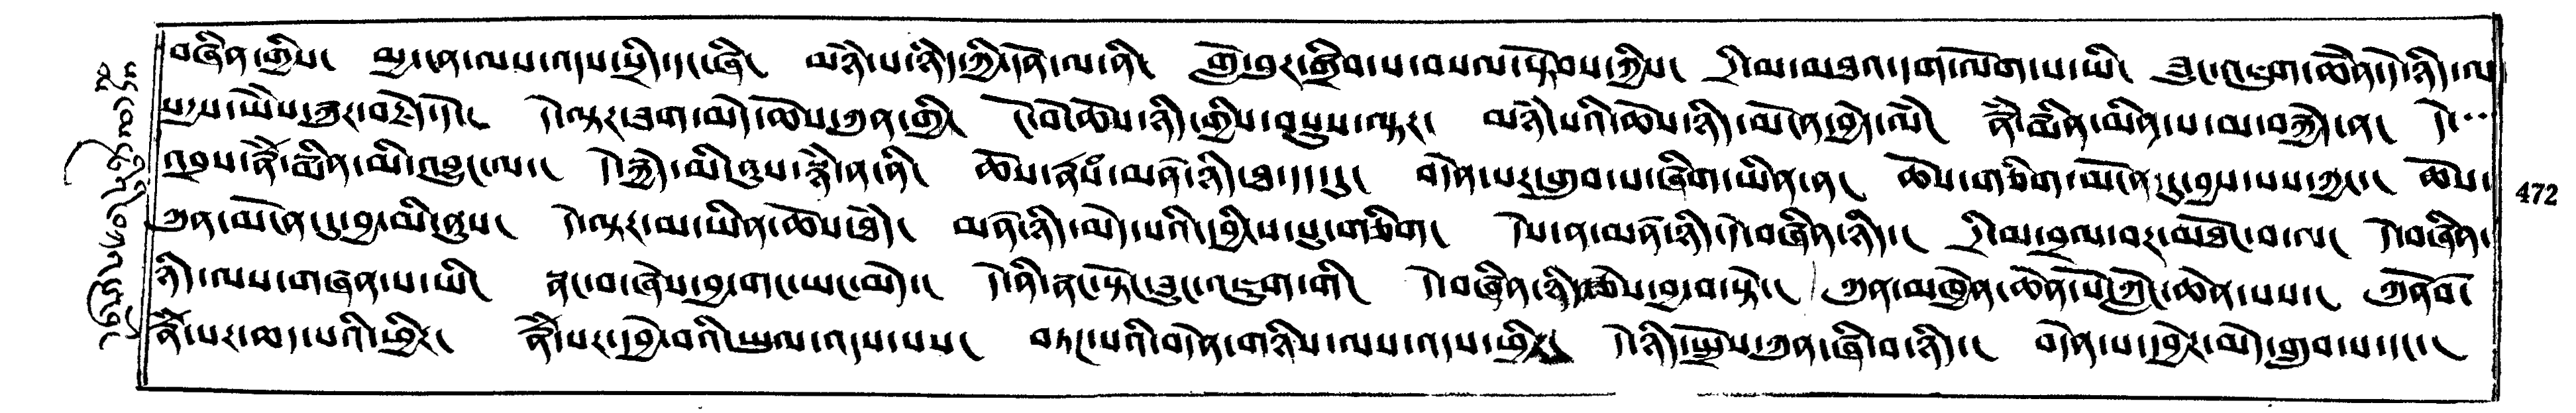བཞིན་གྱིས། །མྱ་ངན་ལས་འདས་སྲིད་དང་ཞི། །མཉམ་པ་ཉིད་ཀྱི་དོན་ལ་ནི། །གློ་བུར་སྒྲིབ་པ་བསལ་སྟོབས་ཀྱིས། །དྲི་མ་མཐའ་དག་ལོག་པ་ཡི། །ཟུང་འཇུག་ཆེན་པོ་དེ་ཉིད་ལ། །
སངས་རྒྱས་ཡེ་ཤེས་སྐུར་བརྗོད་དོ། །དེ་ལྟར་ཟག་མཻད་ཆོས་ཀུན་ཀྱི། །ངོ་བོ་ཆོས་ཉིད་ཀྱིས་བསྡུས་ལྟར། །མཉམ་པའི་ཆོས་ཉིད་མངོན་བྱེད་ལམ། །རྣམ་སྨིན་མིན་པ་མ་བསྐྱེད་ན། །དེ་
འབྲས་རྣམ་སྨིན་མི་འབྱུང་ལ། །དེ་སྐྱེད་མི་ནུས་སྙམ་ན་ནི། །ཆོས་རྣམས་མཚན་ཉིད་ཐ་དད་དུ། །བདེན་པར་གྲུབ་པ་ཞིག་ཡིན་ན། །ཆོས་གཅིག་མངོན་དུ་བྱས་པས་ཀྱང་། །ཆོས་
ཀུན་མངོན་དུ་བྱར་མི་ནུས། །དེ་ལྟར་མ་ཡིན་ཆོས་ཐམས་ཅད། །མཚན་ཉིད་མེད་པའི་དབྱིངས་སུ་གཅིག།དེས་ན་མཚན་ཉིད་དེ་བཞིན་ཉིད། །དྲི་མ་བྲལ་བར་མཐོང་བ་ལ། །དེ་བཞིན་
ཉིད་ལས་གཞན་པ་ཡི། །སྣང་བ་ཞེས་བྱ་གང་ཡང་མེད། །དེ་ནི་སྣང་སྟོང་ཟུང་འཇུག་གི། །དེ་བཞིན་ཉིད་ཅེས་བྱ་བ་སྟེ། །ཀུན་མཁྱེན་ཆེན་པོ་ཀློང་ཆེན་པས། །ཀུན་རྫོབ་
རྣམ་པར་ཆད་པའི་ཕྱིར། །རྣམ་པར་དབྱེ་བའི་ཡུལ་འདས་པས། །བཏགས་པའི་བདེན་གཉིས་ལས་འདས་ཕྱིར། །དེ་ཉིད་སྤྲོས་ཀུན་ཞི་བ་ཉིད། །བདེན་པ་དབྱེར་མེད་གྲུབ་པ་དང་།།